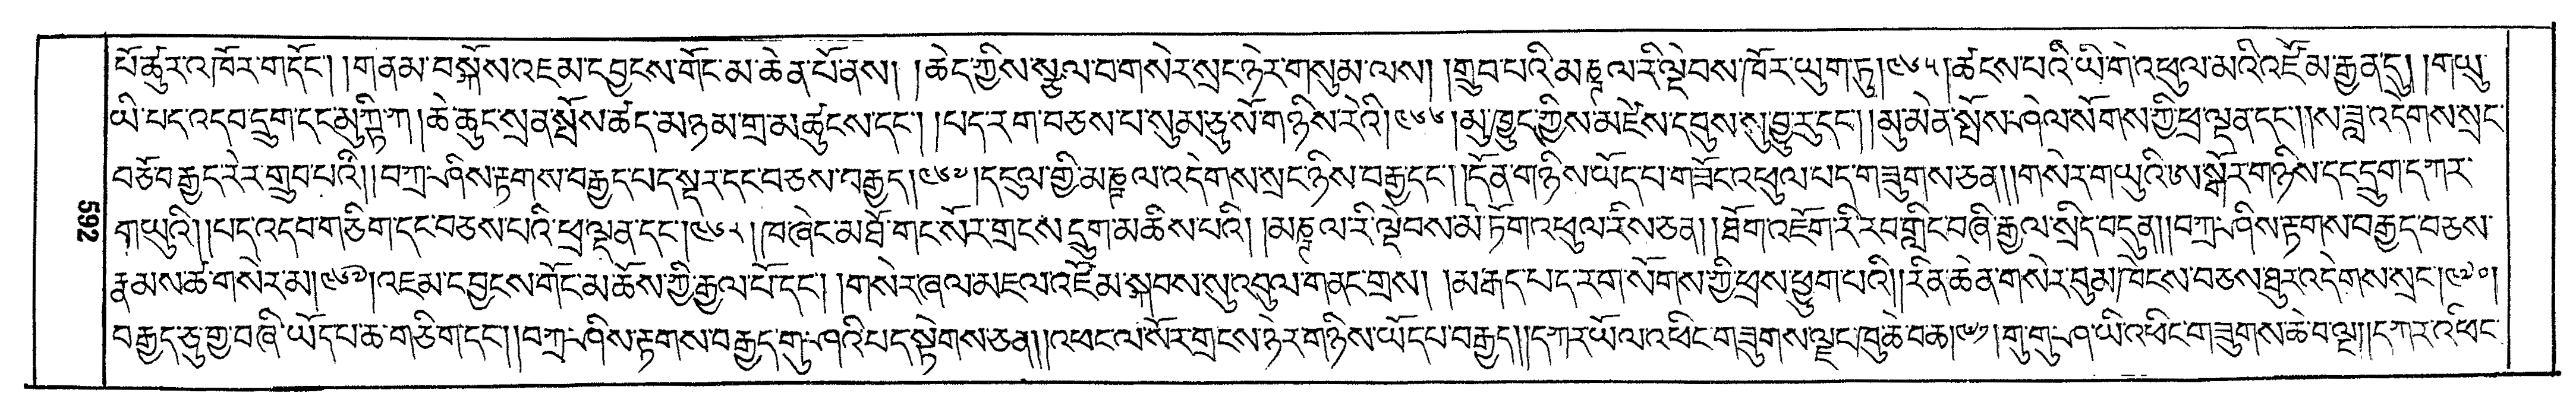པོ་ཚུར་འཁོར་གདོང་། །གནམ་བསྐོས་འཇམ་དབྱངས་གོང་མ་ཆེན་པོ་ནས། །ཆེད་ཀྱིས་སྩལ་བ་གསེར་སྲང་ཉེར་གསུམ་ལས། །གྲུབ་པའི་མཎྜལ་རི་ལྡེབས་ཁོར་ཡུག་ཏུ། ༤༦༥་།ཚངས་པའི་ཡི་གེ་འཕུལ་མའི་འཛོམ་རྒྱན་དུ། །གཡུ་
ཡི་པད་འདབ་དྲུག་དང་མུཀྟི་ཀ །ཆེ་ཆུང་སྲན་སྦོས་ཚད་མཉམ་གྲ་མཚུངས་དང་། །པད་རག་བཅས་པ་སུམ་ཅུ་སོ་གཉིས་རེའི། ༤༦༦་།མུ་ཁྱུད་ཀྱིས་མཛེས་དབུས་སུ་བྱུ་རུ་དང་། །མུ་མེན་སྤོས་ཤེལ་སོགས་ཀྱི་ཕྲ་ལྡན་དང་། །ས་ཟླ་འདེགས་སྲང་
བཅོ་བརྒྱད་རེར་གྲུབ་པའི། །བཀྲ་ཤིས་རྟགས་བརྒྱད་པད་སྡེར་དང་བཅས་བརྒྱད། ༤༦༧་།དངུལ་གྱི་མཎྜལ་འདེགས་སྲང་ཉིས་བརྒྱ་དང་། །དོན་གཉིས་ཡོད་པ་གཟོང་འཕུལ་པད་གཟུགས་ཅན། །གསེར་གཡུའི་ཨ་སྒོར་གཉིས་དང་དྲུག་དཀར་
གཡུའི། །པད་འདབ་གཅིག་དང་བཅས་པའི་ཕྲ་ལྡན་དང་། ༤༦༨་།ཁ་ཞེང་མཐོ་གང་སོར་གྲངས་དྲུག་མཆིས་པའི། །མཎྜལ་རི་ལྡེབས་མེ་ཏོག་འཕུལ་རིས་ཅན། །ཐོག་འཇོག་རི་རབ་གླིང་བཞི་རྒྱལ་སྲིད་བདུན། །བཀྲ་ཤིས་རྟགས་བརྒྱད་བཅས་
རྣམས་ཚ་གསེར་མ། ༤༦༧་།འཇམ་དབྱངས་གོང་མ་ཆོས་ཀྱི་རྒྱལ་པོ་དང་། །གསེར་ཞལ་མཇལ་འཛོམ་སྐབས་སུ་འབུལ་གནང་གྲས། །མ་རྒད་པད་རག་སོགས་ཀྱི་ཕྲས་ཕྱུག་པའི། །རིན་ཆེན་གསེར་བུམ་ཁེབས་བཅས་ཐུར་འདེགས་སྲང་། ༤༧༠།
བརྒྱད་ཅུ་གྱ་བཞི་ཡོད་པ་ཆ་གཅིག་དང་། །བཀྲ་ཤིས་རྟགས་བརྒྱད་གུ་ཤའི་པད་སྟེགས་ཅན། །འཕང་ལ་སོར་གྲངས་ཉེར་གཉིས་ཡོད་པ་བརྒྱད། །དཀར་ཡོལ་འཕིང་གཟུགས་ལྗང་ཁུ་ཆེ་བ་ཆ། ༤༧༡་།གུ་གུ་ཤ་ཡི་འཕིང་གཟུགས་ཆེ་བ་ལྔ། །དཀར་འཕིང་